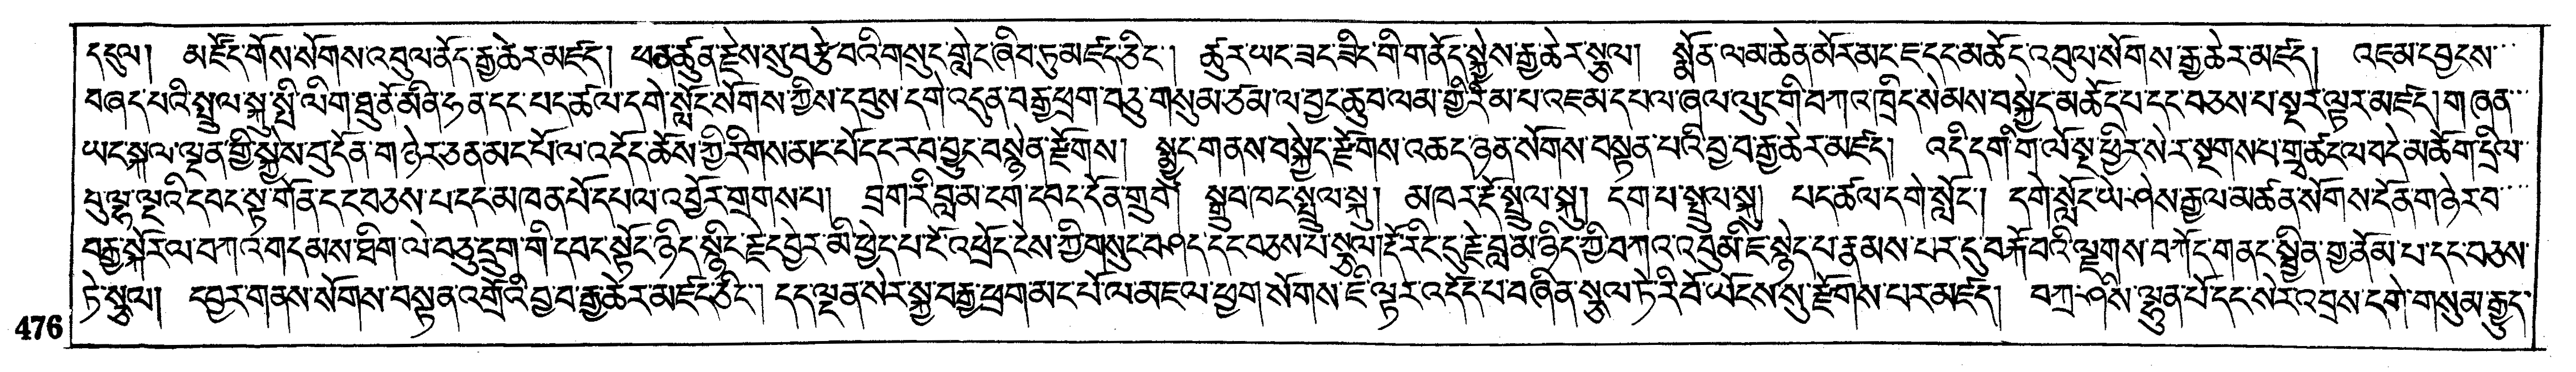དངུལ། མཛོད་གོས་སོགས་འབུལ་ནོད་རྒྱ་ཆེར་མཛད། ཕན་ཚུན་རྗེས་སུ་བརྩེ་བའི་གསུང་གླེང་ཞིབ་ཏུ་མཛད་ཅིང་། ཚུར་ཡང་ཟང་ཟིང་གི་གནང་སྐྱེས་རྒྱ་ཆེར་སྩལ། སྨོན་ལམ་ཆེན་མོར་མང་ཇ་དང་མཆོད་འབུལ་སོགས་རྒྱ་ཆེར་མཛད། འཇམ་དབྱངས་
བཞད་པའི་སྤྲུལ་སྐུ་སྦི་ལིག་ཐུ་ནོ་མིན་ཧན་དང་པད་ཚལ་དགེ་སློང་སོགས་ཀྱིས་དབུས་དགེ་འདུན་བརྒྱ་ཕྲག་བཅུ་གསུམ་ཙམ་ལ་བྱང་ཆུབ་ལམ་གྱི་རམ་པ་འཇམ་དཔལ་ཞལ་ལུང་གི་བཀའ་ཁྲིད་སེམས་བསྐྱེད་མཆོད་པ་དང་བཅས་པ་སྔར་ལྟར་མཛད། གཞན་
ཡང་སྐལ་ལྡན་གྱི་སྐྱེས་བུ་དོན་གཉེར་ཅན་མང་པོ་ལ་འདོད་ཆོས་ཀྱི་རིགས་མང་པོ་དང་རབ་བྱུང་བསྙེན་རྫོགས། སྨྱུང་གནས་བསྐྱེད་རྫོགས་འཆད་ཉན་སོགས་བསྟན་པའི་བྱ་བ་རྒྱ་ཆེར་མཛད། འདི་དག་གི་ལོ་སྔ་ཕྱིར་སེ་ར་སྔགས་པ་གྲྭ་ཚང་ལ་བདེ་མཆོག་དྲིལ་
བུ་ལྷ་ལྔའི་དབང་སྟ་གོན་དང་བཅས་པ་དང་མཁན་པོ་དཔལ་འབྱོར་གྲགས་པ། བྲག་རི་བླ་མ་ངག་དབང་དོན་གྲུབ། སྒྲུབ་ཁང་སྤྲུལ་སྐུ། མཁར་རྡོ་སྤྲུལ་སྐུ། དག་པ་སྤྲུལ་སྐུ། པད་ཚལ་དགེ་སློང་། དགེ་སློང་ཡེ་ཤེས་རྒྱལ་མཚན་སོགས་དོན་གཉེར་བ་
བརྒྱ་སྐོར་ལ་བཀའ་གདམས་ཐིག་ལེ་བཅུ་དྲུག་གི་དབང་སྟོང་ཉིད་སྙིང་རྗེ་དབྱེར་མི་ཕྱེད་པ་ངོ་འཕྲོད་ངེས་ཀྱི་གསུང་བཤད་དང་བཅས་པ་སྩལ། རྡོ་རིང་དུ་རྗེ་བླ་མ་ཉིད་ཀྱི་བཀའ་འབུམ་ཇི་སྙེད་པ་རྣམས་པར་དུ་བརྐོ་བའི་ལྗགས་བཀོད་གནང་སྦྱིན་གྱ་ནོམ་པ་དང་བཅས་
ཏེ་སྩལ། དབྱར་གནས་སོགས་བསྟན་འགྲོའི་བྱ་བརྒྱ་ཆེར་མཛད་ཅིང་། དད་ལྡན་སེར་སྐྱ་བརྒྱ་ཕྲག་མང་པོ་ལ་མཇལ་ཕྱག་སོགས་ཇི་ལྟར་འདོད་པ་བཞིན་སྩལ་ཏེ་རེ་བ་ཡོངས་སུ་རྫོགས་པར་མཛད། བཀྲ་ཤིས་ལྷུན་བོ་དང་སེར་འབྲས་དགེ་གསུམ་རྒྱུད་